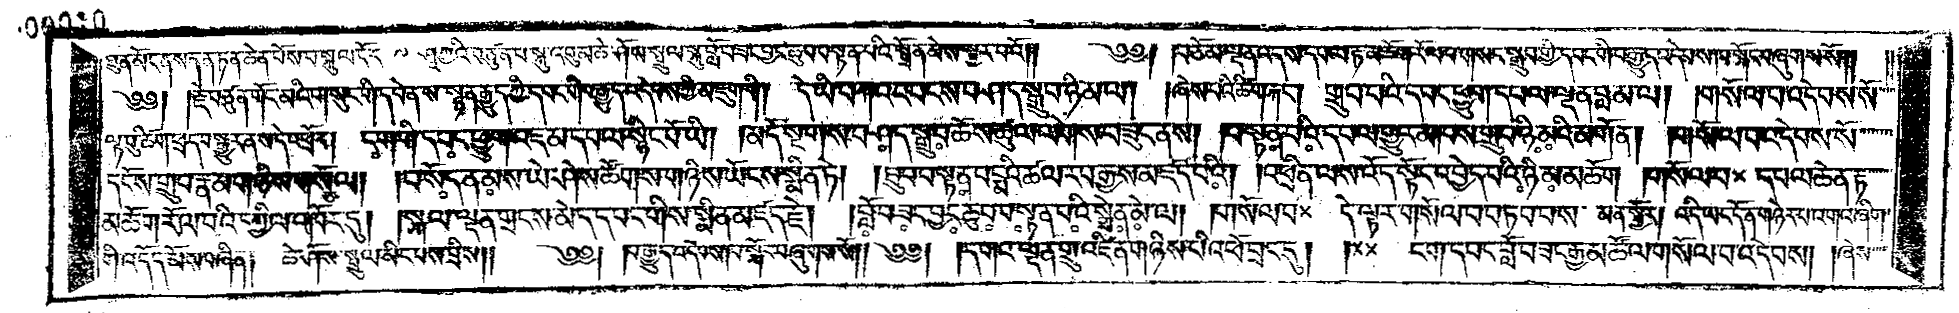ཐུན་མོང་ནས་ནན་ཏན་ཆེན་པོས་བསྐུལ་ངོར་༧་ཤཱཀྱའི་བཙུན་པ་སྐུ་འབུམ་ཆེ་ཤོས་སྤྲུལ་སྐུ་བློ་བཟང་བྱང་ཆུབ་བསྟན་པའི་སྒྲོན་མེས་སྦྱར་བའོ།། ༄༅། །བཅོམ་ལྡན་འདས་དཔལ་རྟ་མཆོག་རོལ་པ་གསང་སྒྲུབ་ཀྱི་དབང་གི་བརྒྱུད་འདེབས་ཁ་སྐོང་བཞུགས་སོ།། །།
༄༅། །རྗེ་བཙུན་གོང་མའི་གསུང་གི་དབེན་ས་སྙན་རྒྱུད་ཀྱི་དབང་གི་བརྒྱུད་འདེབས་ཀྱི་མཇུག་གི། དེ་ཡི་བཀའ་འབངས་བཤད་སྒྲུབ་ཉི་མ་ལ། །ཞེས་པའི་ཚིག་རྐང་།  གྲུབ་པའི་དབང་ཕྱུག་དཔལ་ལྡན་བླ་མ་ལ། །གསོལ་བ་འདེབས་སོ་
ལྟ་བུ་ཚིག་ཕྲད་བསྒྱུར་ནས་དེ་འཕྲོར།  ངག྾་གི་དབང྾་ཕྱུག་འཇམ་དཔལ་སྙིང་པོ་ཡི། །མདོ་སྔགས་བཤད྾་སྒྲུབ྾་ཆོས་ཚུལ་ལེགས་བཟུང་ནས། །བསྟན྾་པའི྾་དཔལ་གྱུར་མཁས་གྲུབ་ཉི྾་མའི྾་མགོན། །གསོལ་བ་འདེབས་སོ་
དངོས་གྲུབ་རྣམ་གཉིས་གསྩོལ། །བསོད྾་ནམས྾་ཡེ་ཤེས་ཚོགས་གཉིས་ཡོངས་སྨིན་ཏེ། །ཐུབ་བསྟན྾་པདམའི་ཚལ་རབ་རྒྱས་མཛད་པའི྾། །འཕྲིན་ལས་འོད་སྟོང་འབྱེད་པའི྾་ཉི྾་མ྾་མཆོག །གསོལ་བ྾་དཔལ་ཆེན་རྟ་
མཆོག་རོལ་བའི་དཀྱིལ་འཁོར་དུ། །སྐལ་ལྡན་གྲངས་མེད་དབང་གིས་སྨིན་མཛད་རྗེ། །བློ྾་བཟང྾་བྱང྾་ཆུབ྾་བསྟན྾་པའི྾་སྒྲོན྾་མེ྾་ལ། །གསོལ་བ྾་དེ་ལྟར་གསོལ་བ་བཏབ་པས་མན་སྦྱོར། འདི་ཡང་དོན་གཉེར་པ་འགའ་ཞིག་
གི་འདོད་མོས་བཞིན། ཆེ་ཤོས་སྤྲུལ་མིང་པས་བྲིས།། ༄༅། །བརྒྱུད་འདེབས་ཁ་སྐོང་བཞུགས་སོ།། ༄༅། །དགའ་ལྡན་གྲུ་འཛིན་གཉིས་པའི་ཕོ་བྲང་དུ། །྾྾་ངག་དབང་བློ་བཟང་རྒྱ་མཚོ་ལ་གསོལ་བ་འདེབས། །ཞེས་